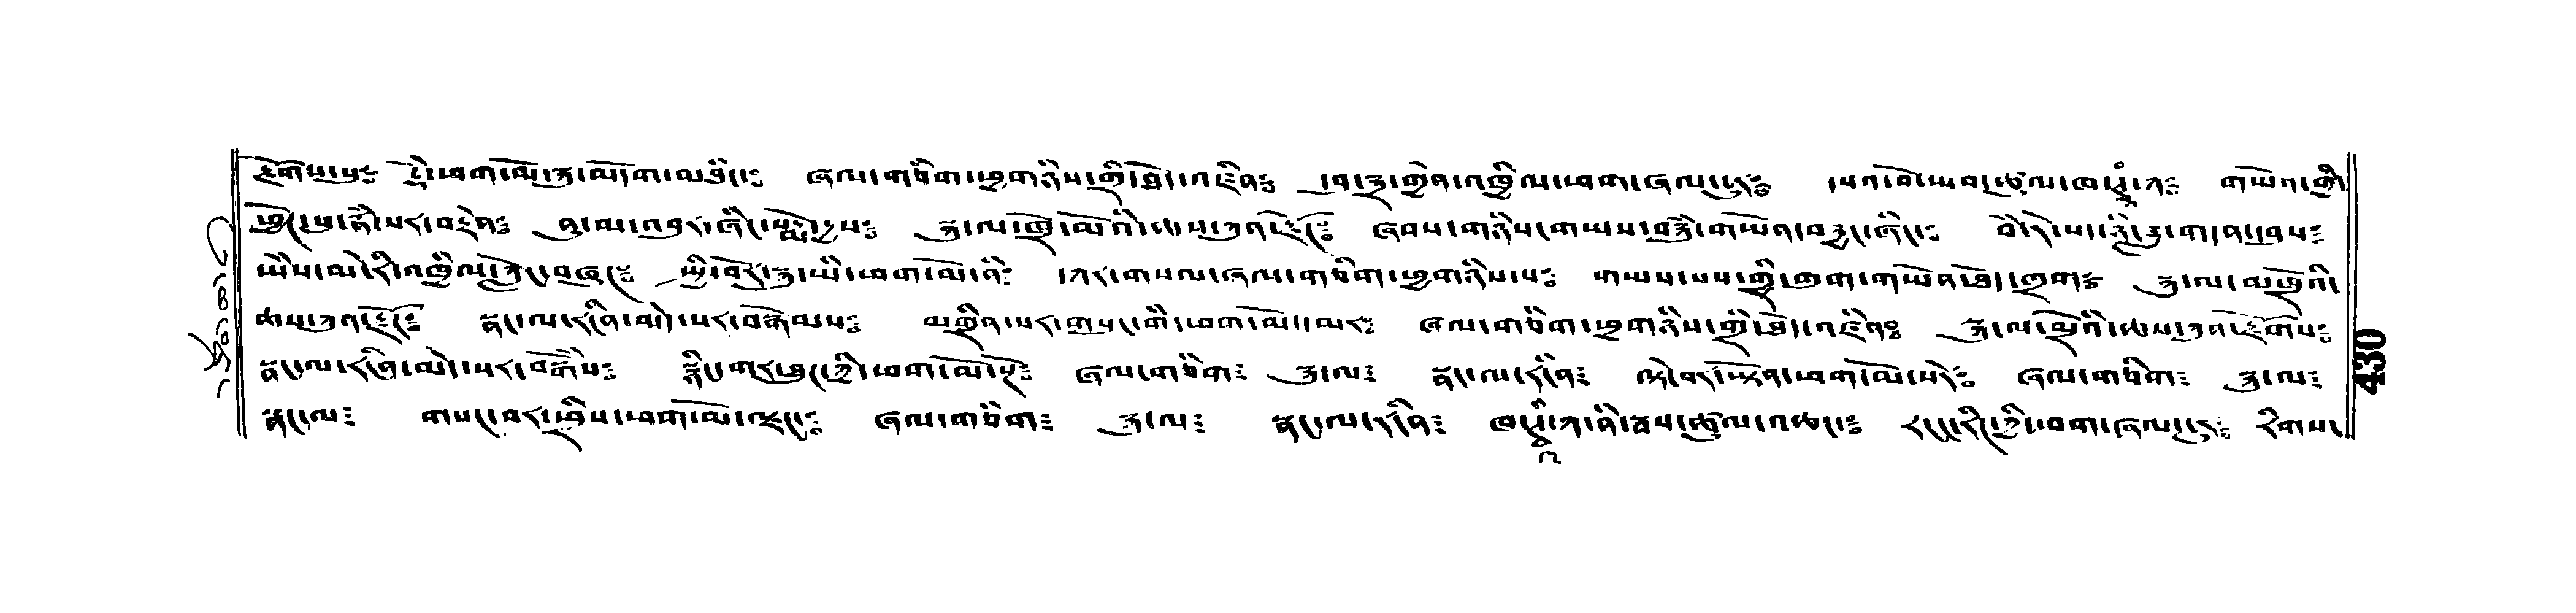རྫོགས་སུ༔ རྡོ་རྗེ་ཕག་མོ་སྐུ་མདོག་མཐིང༔ ཞལ་གཅིག་ཕྱག་གཉིས་གྲི་ཐོད་འཛིན༔ དབུ་སྐྲ་གྱེན་འཁྱིལ་ཕག་ཞལ་ངུར༔ དཔའ་བོ་ཡབ་ཚུལ་ཁ་ཊྭཾ་ཀ༔ གཡོན་གྱི་
ཕྱོགས་སུ་རྣམ་པར་བརྟེན༔ ནུ་མ་འབུར་ཞིང་པདྨོ་རྒྱས༔ སྐུ་ལ་ཁྲོ་མོའི་ཆས་ཀུན་རྫོགས༔ ཞབས་གཉིས་གཡས་བསྐུམས་གཡོན་བརྐྱངས་ཤིང༔ བམ་རོ་པད་ཉི་ཟླ་གདན་དབུས༔ 
ཡེ་ཤེས་མེ་རི་འཁྱིལ་ཀློང་བཞུགས༔ སྤྱི་བོར་སྐུ་ཡི་ཕག་མོ་ནི༔ དཀར་གསལ་ཞལ་གཅིག་ཕྱག་གཉིས་པ༔ གཡས་པས་གྲི་གུག་གཡོན་ཐོད་ཁྲག༔ སྐུ་ལ་མཁའ་འགྲོའི་
ཆས་ཀུན་རྫོགས༔ སྣང་ལ་རང་བཞིན་མེད་པར་བསྒོམ༔ མགྲིན་པར་གསུང་གི་ཕག་མོ་དམར༔ ཞལ་གཅིག་ཕྱག་གཉིས་གྲི་ཐོད་འཛིན༔ སྐུ་ལ་མཁའ་འགྲོའི་ཆས་ཀུན་རྫོགས༔ 
སྣང་ལ་རང་བཞིན་མེད་པར་བསྒོམ༔ སྙིང་གར་ཐུགས་ཀྱི་ཕག་མོ་སྔོ༔ ཞལ་གཅིག༴ སྐུ་ལ༴ སྣང་ལ་རང་བཞིན༴ ལྟེ་བར་ཡོན་ཏན་ཕག་མོ་སེར༔ ཞལ་གཅིག༴ སྐུ་ལ༴ 
སྣང་ལ༴ གསང་བར་ཕྲིན་ལས་ཕག་མོ་ལྗངཿཞལ་གཅིག༴ སྐུ་ལ༴ སྣང་ལ་རང་བཞིན༴ ཁ་ཊྭཾ་ཀ་ནི་སྦས་ཚུལ་འཆང༔ རང་རང་རིགས་ཀྱི་ཕག་ཞལ་ངུར༔ རིགས་